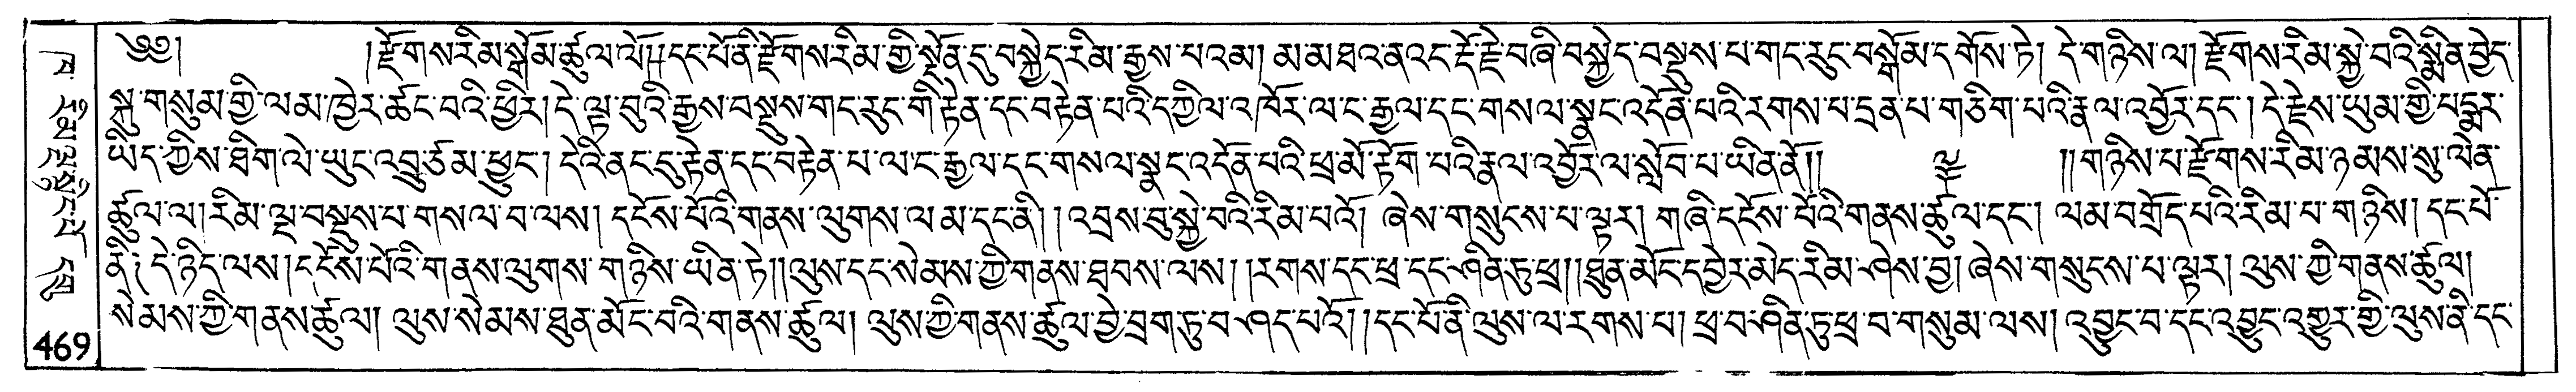༄༅། །རྫོགས་རིམ་སྒོམ་ཚུལ་ལོ། །དང་པོ་ནི་རྫོགས་རིམ་གྱི་སྔོན་དུ་བསྐྱེད་རིམ་རྒྱས་པའམ། མ་མཐའ་ནའང་རྡོ་རྗེ་བཞི་བསྐྱེད་བསྡུས་པ་གང་རུང་བསྒོམ་དགོས་ཏེ། དེ་གཉིས་ལ། རྫོགས་རིམ་སྐྱེ་བའི་སྨིན་བྱེད་
སྐུ་གསུམ་གྱི་ལམ་ཁྱེར་ཚང་བའི་ཕྱིར། དེ་ལྟ་བུའི་རྒྱས་བསྡུས་གང་རུང་གི་རྟེན་དང་བརྟེན་པའི་དཀྱིལ་འཁོར་ལ་ང་རྒྱལ་དང་གསལ་སྣང་འདོན་པའི་རགས་པ་དྲན་པ་གཅིག་པའི་རྣལ་འབྱོར་དང་། དེ་རྗེས་ཡུམ་གྱི་པདམར་
ཡིད་ཀྱིས་ཐིག་ལེ་ཡུང་འབྲུ་ཙམ་ཕྱུང་། དེའི་ནང་དུ་རྟེན་དང་བརྟེན་པ་ལ་ང་རྒྱལ་དང་གསལ་སྣང་འདོན་པའི་ཕྲ་མོ་རྟོག་པའི་རྣལ་འབྱོར་ལ་སློབ་པ་ཡིན་ནོ།། ༈ །།གཉིས་པ་རྫོགས་རིམ་ཉམས་སུ་ལེན་
ཚུལ་ལ། རིམ་ལྔ་བསྡུས་པ་གསལ་བ་ལས། དངོས་པོའི་གནས་ལུགས་ལམ་དང་ནི། །འབྲས་བུ་སྐྱེ་བའི་རིམ་པའོ། ཞེས་གསུངས་པ་ལྟར། གཞི་དངོས་པོའི་གནས་ཚུལ་དང་། ལམ་བགྲོད་པའི་རིམ་པ་གཉིས། དང་པོ་
ནི༑ དེ་ཉིད་ལས། དངོས་པོའི་གནས་ལུགས་གཉིས་ཡིན་ཏེ། །ལུས་དང་སེམས་ཀྱི་གནས་ཐབས་ལས། །རགས་དང་ཕྲ་དང་ཤིན་ཏུ་ཕྲ། །ཐུན་མོང་དབྱེར་མེད་རིམ་ཤེས་བྱ། ཞེས་གསུངས་པ་ལྟར། ལུས་ཀྱི་གནས་ཚུལ།
སེམས་ཀྱི་གནས་ཚུལ། ལུས་སེམས་ཐུན་མོང་བའི་གནས་ཚུལ། ལུས་ཀྱི་གནས་ཚུལ་བྱེ་བྲག་ཏུ་བཤད་པའོ། །དང་པོ་ནི་ལུས་ལ་རགས་པ། ཕྲ་བ་ཤིན་ཏུ་ཕྲ་བ་གསུམ་ལས། འབྱུང་བ་དང་འབྱུང་འགྱུར་གྱི་ལུས་ནི་དང་